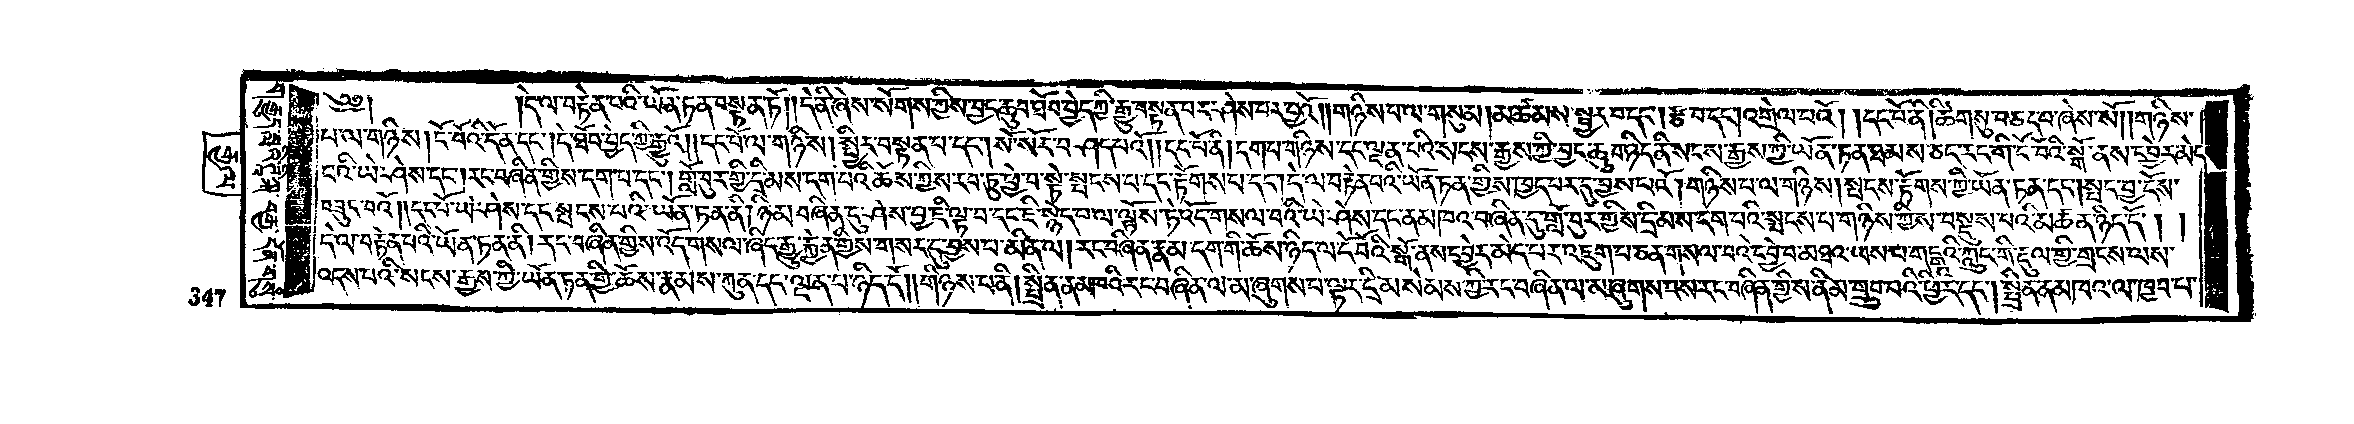༄༅། །དེ་ལ་བརྟེན་པའི་ཡོན་ཏན་བསྟན་ཏོ། །དེ་ནི་ཞེས་སོགས་ཀྱིས་བྱང་ཆུབ་ཐོབ་བྱེད་ཀྱི་རྒྱུ་བསྟན་པར་ཤེས་པར་བྱའོ། །གཉིས་པ་ལ་གསུམ། མཚམས་སྦྱར་བ་དང་། རྩ་བ་དང་། འགྲེལ་པའོ། །དང་པོ་ནི། ཚིགས་སུ་བཅད་པ་ཞེས་སོ། །གཉིས་
པ་ལ་གཉིས། ངོ་བོའི་དོན་དང་། དེ་ཐོབ་བྱེད་ཀྱི་རྒྱུའོ། །དང་པོ་ལ་གཉིས། སྤྱིར་བསྟན་པ་དང་། སོ་སོར་བཤད་པའོ། །དང་པོ་ནི། དག་པ་གཉིས་དང་ལྡན་པའི་སངས་རྒྱས་ཀྱི་བྱང་ཆུབ་ཉིད་ནི་སངས་རྒྱས་ཀྱི་ཡོན་ཏན་ཐམས་ཅད་རང་གི་ངོ་བོའི་སྒོ་ནས་དབྱེར་མེད་
པའི་ཡེ་ཤེས་དང་། རང་བཞིན་གྱིས་དག་པ་དང་། གློ་བུར་གྱི་དྲི་མས་དག་པའི་ཆོས་ཀྱིས་རབ་ཏུ་ཕྱེ་བ་སྟེ་སྤངས་པ་དང་རྟོགས་པ་དང་། དེ་ལ་བརྟེན་པའི་ཡོན་ཏན་གྱིས་ཁྱད་པར་དུ་བྱས་པའོ། །གཉིས་པ་ལ་གཉིས། སྤངས་རྟོགས་ཀྱི་ཡོན་ཏན་དང་། སྤང་བྱ་ངོས་
བཟུང་བའོ། །དང་པོ་ཡེ་ཤེས་དང་སྤངས་པའི་ཡོན་ཏན་ནི། ཉི་མ་བཞིན་དུ་ཤེས་བྱ་ཇི་ལྟ་བ་དང་ཇི་སྙེད་པ་ལ་ལྟོས་ཏེ་འོད་གསལ་བའི་ཡེ་ཤེས་དང་ནམ་མཁའ་བཞིན་དུ་གློ་བུར་གྱིས་དྲི་མས་དག་པའི་སྤངས་པ་གཉིས་ཀྱིས་བསྡུས་པའི་མཚན་ཉིད་དོ། །
དེ་ལ་བརྟེན་པའི་ཡོན་ཏན་ནི། རང་བཞིན་གྱིས་འོད་གསལ་ཞིང་རྒྱུ་རྐྱེན་གྱིས་གསར་དུ་བྱས་པ་མིན་ལ། རང་བཞིན་རྣམ་དག་གི་ཆོས་ཉིད་ལ་ངོ་བོའི་སྒོ་ནས་དབྱེར་མེད་པར་འཇུག་པ་ཅན་གསལ་བའི་དབྱེ་བ་མཐའ་ཡས་པ་གངགཱཨི་ཀླུང་གི་རྡུལ་གྱི་གྲངས་ལས་
འདས་པའི་སངས་རྒྱས་ཀྱི་ཡོན་ཏན་གྱི་ཆོས་རྣམས་ཀུན་དང་ལྡན་པ་ཉིད་དོ། །གཉིས་པ་ནི། སྤྲིན་ནམ་མཁའི་རང་བཞིན་ལ་མ་ཞུགས་པ་ལྟར་དྲི་མ་སེམས་ཀྱི་རང་བཞིན་ལ་མ་ཞུགས་པས་རང་བཞིན་གྱིས་ནི་མ་གྲུབ་པའི་ཕྱིར་དང་། སྤྲིན་ནམ་མཁའ་ལ་ཁྱབ་པ་